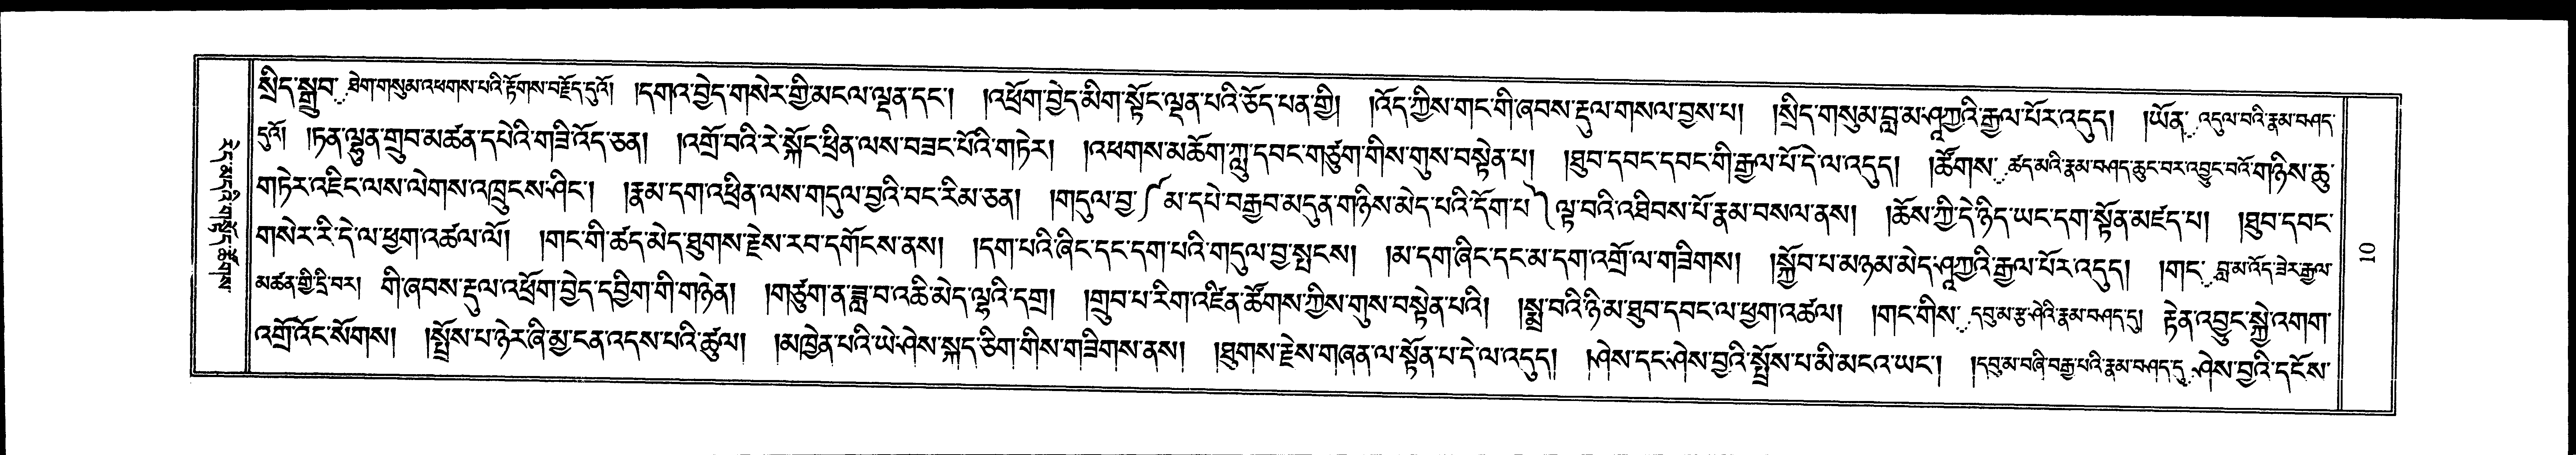སྲིད་སྒྲུབ་ཐེག་གསུམ་འཕགས་པའི་རྟོགས་བརྗོད་དུའོ། །དགའ་བྱེད་གསེར་གྱི་མངལ་ལྡན་དང་། །འཕྲོག་བྱེད་མིག་སྟོང་ལྡན་པའི་ཅོད་པན་གྱི། །འོད་ཀྱིས་གང་གི་ཞབས་རྡུལ་གསལ་བྱས་པ། །སྲིད་གསུམ་བླ་མ་ཤཱཀྱའི་རྒྱལ་པོར་འདུད། །ཡོན་འདུལ་བའི་རྣམ་བཤད་
དུའོ། །ཏན་ལྷུན་གྲུབ་མཚན་དཔེའི་གཟི་འོད་ཅན། །འགྲོ་བའི་རེ་སྐོང་ཕྲིན་ལས་བཟང་པོའི་གཏེར། །འཕགས་མཆོག་ཀླུ་དབང་གཙུག་གིས་གུས་བསྟེན་པ། །ཐུབ་དབང་དབང་གི་རྒྱལ་པོ་དེ་ལ་འདུད། །ཚོགས་ཚད་མའི་རྣམ་བཤད་ཆུང་བར་འབྱུང་བའོ་གཉིས་ཆུ་
གཏེར་འཇིང་ལས་ལེགས་འཁྲུངས་ཤིང་། །རྣམ་དག་འཕྲིན་ལས་གདུལ་བྱའི་བང་རིམ་ཅན། །གདུལ་བྱ་མ་དཔེ་བརྒྱབ་མདུན་གཉིས་མེད་པའི་དོག་པ་ལྟ་བའི་འཐིབས་པོ་རྣམ་བསལ་ནས། །ཆོས་ཀྱི་དེ་ཉིད་ཡང་དག་སྟོན་མཛད་པ། །ཐུབ་དབང་
གསེར་རི་དེ་ལ་ཕྱག་འཚལ་ལོ། །གང་གི་ཚད་མེད་ཐུགས་རྗེས་རབ་དགོངས་ནས། །དག་པའི་ཞིང་དང་དག་པའི་གདུལ་བྱ་སྤངས། །མ་དག་ཞིང་དང་མ་དག་འགྲོ་ལ་གཟིགས། །སྐྱོབ་པ་མཉམ་མེད་ཤཱཀྱའི་རྒྱལ་པོར་འདུད། །གང་བླ་མ་འོད་ཟེར་རྒྱལ་
མཚན་གྱི་དྲི་བར། གི་ཞབས་རྡུལ་འཕྲོག་བྱེད་དབྱིག་གི་གཉེན། །གཙུག་ན་ཟླ་བ་འཆི་མེད་ལྷའི་དགྲ། །གྲུབ་པ་རིག་འཛིན་ཚོགས་ཀྱིས་གུས་བསྟེན་པའི། །སྨྲ་བའི་ཉི་མ་ཐུབ་དབང་ལ་ཕྱག་འཚལ། །གང་གིས་དབུ་མ་རྩ་ཤེའི་རྣམ་བཤད་དུ། རྟེན་འབྱུང་སྐྱེ་འགག་
འགྲོ་འོང་སོགས། །སྤྲོས་པ་ཉེར་ཞི་མྱ་ངན་འདས་པའི་ཚུལ། །མཁྱེན་པའི་ཡེ་ཤེས་སྐད་ཅིག་གིས་གཟིགས་ནས། །ཐུགས་རྗེས་གཞན་ལ་སྟོན་པ་དེ་ལ་འདུད། །ཤེས་དང་ཤེས་བྱའི་སྤྲོས་པ་མི་མངའ་ཡང་། །དབུ་མ་བཞི་བརྒྱ་པའི་རྣམ་བཤད་དུ་ཤེས་བྱའི་དངོས་